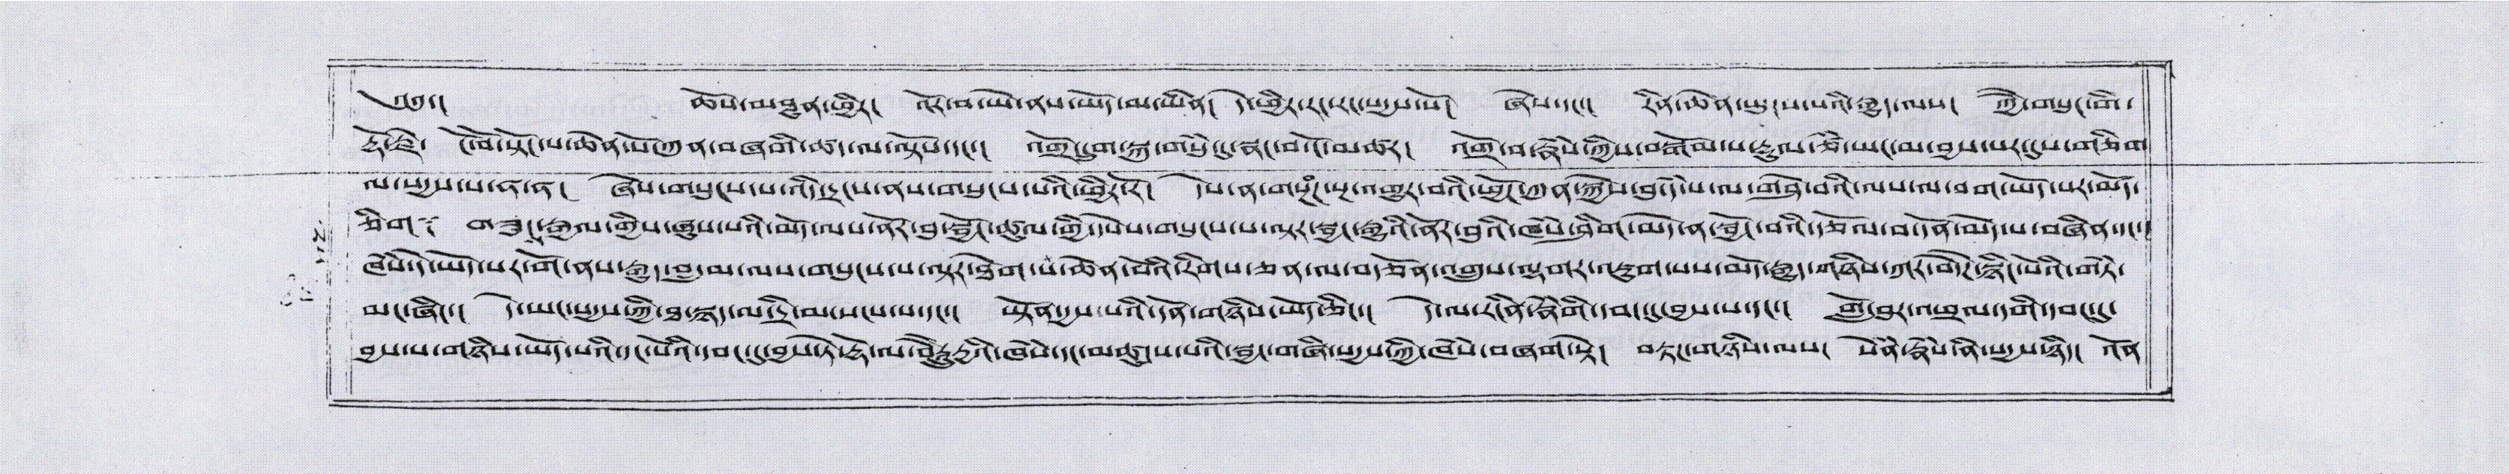ཆོས་མཐུན་ཕྱིར། འཁོར་བ་ཡེ་ནས་ཡོད་མ་ཡིན། དེ་ཕྱིར་རང་རང་སངས་རྒྱས་སོ། ཞེས་དང། རིན་ཆེན་སྤུངས་པའི་རྒྱུད་ལས། ཀྱཻ་གསུང་གི་
རྡོ་རྗེ། ངོ་བོ་སྟོང་པ་ཆེན་པོ་ཀུན་བཞག་གི་ཚད་ལ་ལྟོས་དང། འགྲོ་དྲུག་སྐུ་གསུམ་དུ་སྣང་བ་ངོ་མཚར། འགྲོ་བ་རྣམས་ཀྱིས་བསྒོམ་པ་རྡུལ་ཙམ་ཡང་མ་བྱས་པར་དུས་གཅིག་
ལ་སངས་རྒྱས་པ་ཧ་ཧ། ཞེས་གསུངས་པ་འདི་དྲངས་ནས་གསུངས་པའི་ཕྱིར་རོ། དེས་ན་གསང་སྔགས་སྔ་འགྱུར་བའི་ཕྱོགས་ཀུན་སྐྱེས་བུ་དམ་པ་ལ་གཤེ་བའི་ལས་ལ་བག་ཡོད་པར་མཛོད་
ཅིག གཟུངས་རྒྱལ་གྱིས་ཞུས་པའི་མདོ་ལས་ནོར་བུ་སྦྱོང་ཚུལ་གྱི་དཔེས་གསུངས་པ་ལྟར་སྦྱང་རྒྱུའི་ནོར་བུའི་ཁམས་ཤིག་མེད་ན་སྦྱོང་བའི་རྩོལ་བ་དོན་མེད་པ་བཞིན་དང། 
ཁམས་དེ་ཡོད་པར་གོ་ནས་རྒྱུད་བླ་མ་ལས་གསུངས་པ་ལྟར་ཐེག་པ་ཆེན་པོའི་རིགས་ཅན་ལ་བརྩོན་འགྲུས་ལྷག་པར་འཇུག་པས་མདོ་རྒྱུད་གཉིས་ཀར་བདེ་གཤེགས་སྙིང་པོའི་གཏམ་
མང་ཞིང། དེ་ཡང་སངས་རྒྱས་ཀྱི་ཐ་སྙད་ལ་དྲི་མ་སངས་པ་དང། ཡོན་ཏན་རྒྱས་པའི་དོན་གཉིས་ཡོད་ཅིང། དེ་ལ་རང་བཞིན་རྣམ་དག་གི་དབང་དུ་བྱས་པ་དང། གློ་བུར་འཕྲལ་དག་གི་དབང་དུ་
བྱས་པ་གཉིས་ཡོད་པའི་དང་པོའི་དབང་དུ་བྱས་ཏེ་རྡོ་ལ་བཻཌུརྱའི་ཁམས་དང་མཚུངས་པའི་སྦྱང་གཞི་སངས་རྒྱས་ཀྱི་ཁམས་བཞག་སྟེ། བརྟགས་གཉིས་ལས། སེམས་ཅན་རྣམས་ནི་སངས་རྒྱས་ཉིད། འོན་